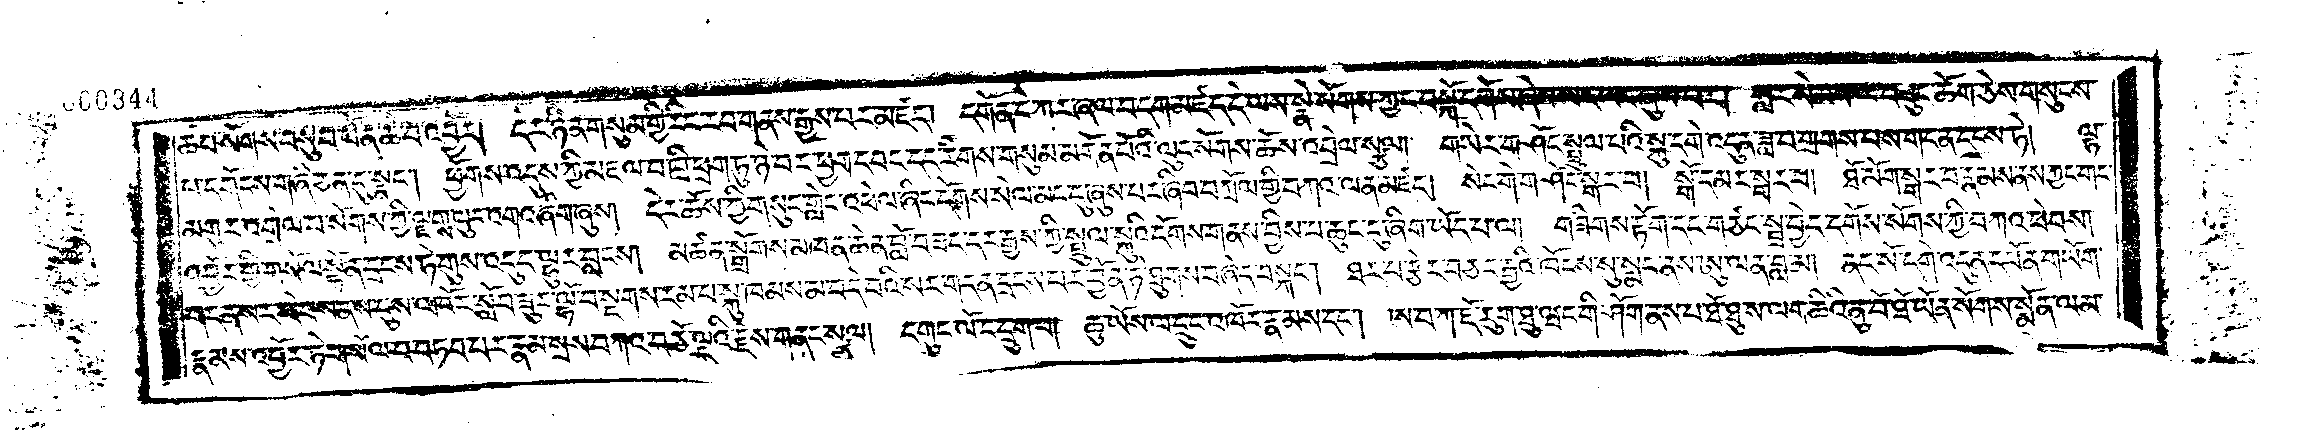ཚབ་སོགས་བསུ་བ་ཕོན་ཆེ་བ་འབྱོར། དེར་ཉིན་གསུམ་གྱི་རིང་རབ་གནས་རྒྱས་པར་མཛད། དགོན་དེ་ཀར་ཞལ་བདག་མཛད་དེ་ལས་སྣེ་སོགས་ཀྱང་བསྐོ་དགོས་ཞེས་ཡང་ཡང་ཞུས་པར། སླར་སེམས་ལ་བཟུང་ཆོག་ཅེས་གསུངས་
པ་དགོངས་གཞི་ཅན་དུ་སྣང་། ཕྱོགས་འདུས་ཀྱི་མཇལ་བ་ཁྲི་ཕྲག་ཏུ་ཉེ་བར་ཕྱག་དབང་དང་རིགས་གསུམ་མགོན་པོའི་ལུང་སོགས་ཆོས་འབྲེལ་སྩལ། གཡེར་གཤོང་སྤྲུལ་པའི་སྐུ་དགེ་འདུན་ཟླ་བ་གྲགས་པས་གདན་དྲངས་ཏེ། ལྟ་
མགུར་འགྲེལ་པ་སོགས་ཀྱི་ལྗགས་ལུང་འགའ་ཞིག་ཞུས། དེར་ཆོས་ཀྱི་གསུང་གླེང་འཕེལ་ཞིང་དོགས་སེལ་མང་དུ་ཞུས་པར་ཞིབ་བཀྲོལ་གྱི་བཀའ་ལན་མཛད། སེང་གེ་གཤོང་སྒར་བ། སྒོ་དམར་སྒར་བ། ཐོ་མོག་སྒར་བ་རྣམས་ནས་ཀྱང་གང་
འབྱོར་གྱི་གསོལ་སྟོན་དྲངས་ཏེ་གུས་འདུང་ལྷུར་བླངས། མཚན་སྒྲོགས་མཁན་ཆེན་བློ་བཟང་དར་རྒྱས་ཀྱི་སྤྲུལ་སྐུའི་དོགས་གནས་བྱིས་པ་ཆུང་དུ་ཞིག་ཡོད་པ་ལ། གཟིགས་རྟོག་དང་གཙང་སྤྲ་བྱེད་དགོས་སོགས་ཀྱི་བཀའ་ཕེབས།
གདན་སར་ཕེབས་ནས་དུས་འཁོར་སློབ་ཟུར་ལྷོ་བ་སྔགས་རམ་པ་སྐུ་ཁམས་མ་བདེ་བའི་སར་གདན་དྲངས་པར་བྱོན་ཏེ་ཐུགས་བཞེད་བསྐང་། ཐར་པ་རྩེར་བཅད་རྒྱའི་ཁོངས་སུ་སྨད་ནས་ཨུ་ལན་བླ་མ། ནང་སོ་དགེ་འདུན་དཔོན་གཡོག་
རྣམས་འབྱོར་ཏེ་གསོལ་བ་བཏབ་པར་རྣམ་སྲས་བཀའ་བཅོ་ལྔའི་རྗེས་གནང་སྩལ། དགུང་ལོ་ང་དྲུག་པ། ཆུ་ཡོས་ལ་དྲུང་འཁོར་རྣམས་དང་། ཨ་བ་ཀ་ཇོ་རུག་ཐུ་ཝང་གི་ཤོག་ནས་པ་ཐོ་ཐུ་ས་ལག་ཆིའི་ནུ་བོ་ཐོ་ཡོན་སོགས་སྨོན་ལམ་